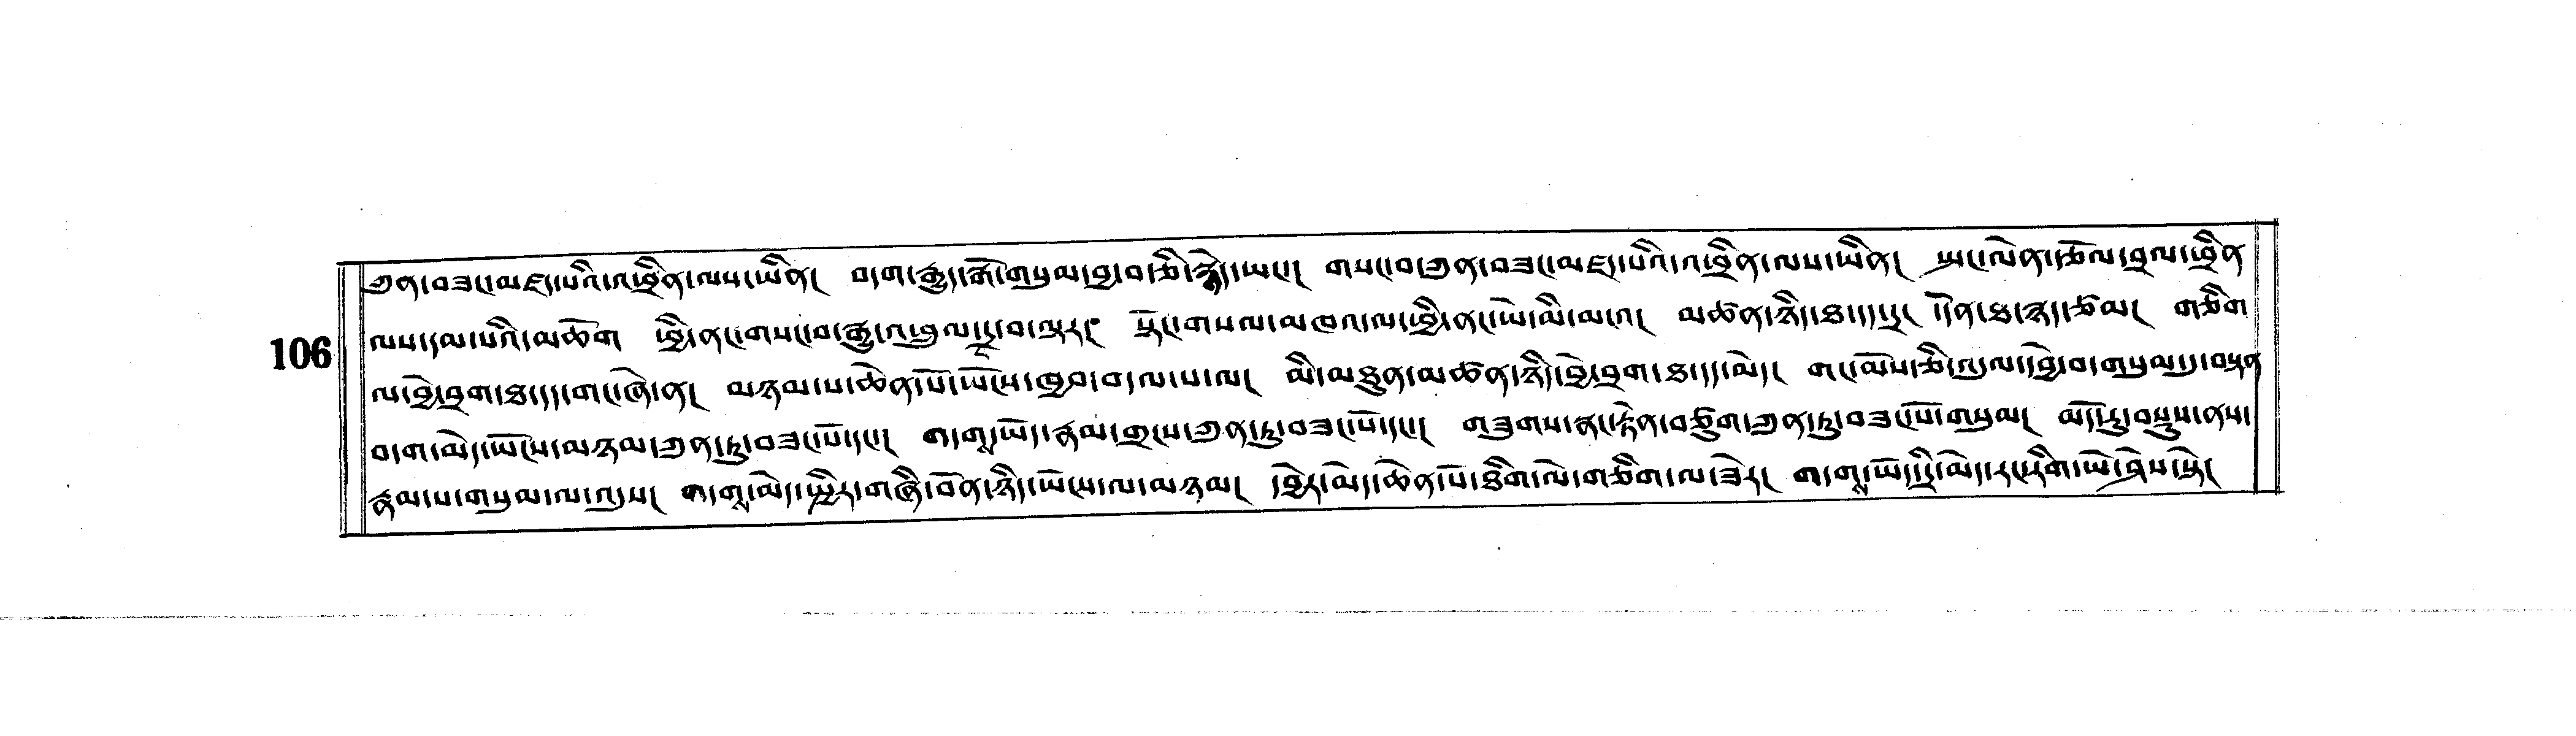ཀུན་བཟང་མཛད་པའི་འཕྲིན་ལས་ཡིན། བདག་རྒྱུད་སྒོ་གསུམ་བྱ་བ་ཅི་སྙེད་ཡང་། གསང་བ་ཀུན་བཟང་མཛད་པའི་ཕྲིན་ལས་ཡིན། སྤང་ལེན་རྩོལ་བྲལ་ཕྲིན་
ལས་དམ་པའི་མཆོག ཕྱི་ནང་གསང་བ་སྒྱུ་འཕྲུལ་དྲྭ་བ་ལྟར། སྟོང་གསམ་མཁའ་ལ་ཕྱི་ནང་ཡེ་མངའ། མཚན་ཉིད་ཐ་དད་དྲང་། དོན་ཐ་སྙད་ཙམ། གཅིག་
ལ་བྱེ་བྲག་ཐ་དད་གང་ཞེ་ན། མཉམ་པ་ཆེན་པོ་ཡོངས་ཁྱབ་བདལ་པ་ལ། མི་མཐུན་མཚན་ཉིད་བྱེ་བྲག་ཐ་དད་མེད། གང་མོས་ཅི་འདུལ་དབྱེ་བ་གསུམ་དུ་བསྟན། 
བདག་མེད་ཡོངས་མཉམ་ཀུན་ཏུ་བཟང་པོ་དང་། གདགས་ཡོད་རྣམ་གྲངས་ཀུན་ཏུ་བཟང་པོ་དང་། གཟུགས་སྣང་རྟེན་བཙུགས་ཀུན་ཏུ་བཟང་པོ་གསུམ། མདོ་རུ་བསྡུས་ན་
རྣམ་པ་གསུམ་ལ་འདུས། བདག་མེད་སྤྱིར་གཞི་བོན་ཉིད་ཡོངས་ལ་མཉམ། དབྱེར་མེད་ཆེན་པོ་ཐིག་ལེ་གཅིག་ལ་ཟེར། གདགས་ཡོད་དྲི་མེད་རང་རིག་ཡེ་ཤེས་ཏེ།